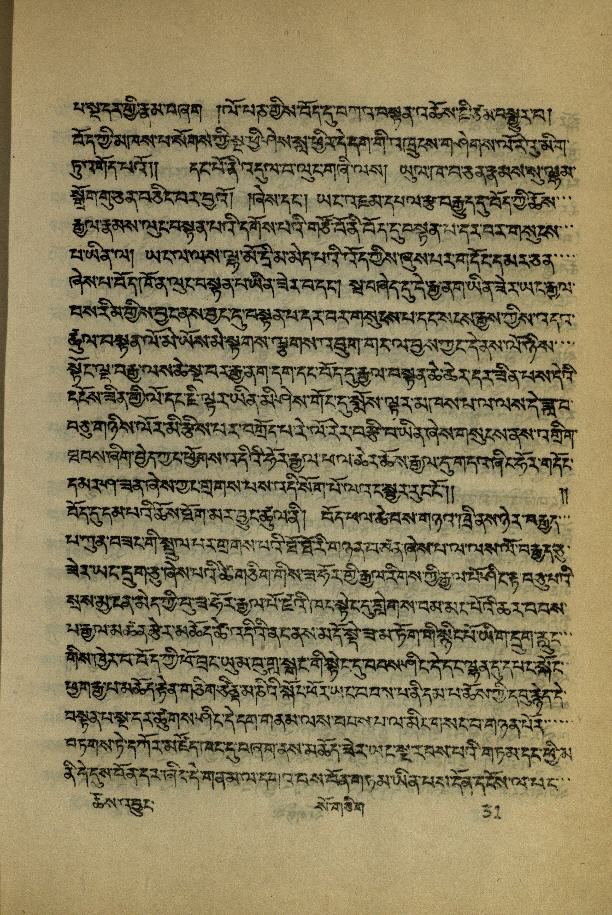པ་སྔ་དར་གྱི་རྣམ་བཞག །ལོ་པཎ་གྱིས་བོད་དུ་བཀའ་བསྟན་འཆོས་ཇི་ཙམ་བསྒྱུར་བ།
བོད་ཀྱི་མཁས་པ་སོགས་ཀྱི་སྔ་ཕྱི་ཤེས་སླ་ཕྱིར་དེ་དག་གི་འཁྲུངས་གཤེགས་ལོ་རེའུ་མིག་
ཏུ་འགོད་པའོ།། དང་པོ་ནི་འདུལ་བ་ལུང་གཞི་ལས། ཡུལ་ཁ་བ་ཅན་རྣམས་སུ་ལྷམ་
སྒྲོག་གུ་ཅན་བཅིང་བར་བྱའོ། །ཞེས་དང་། ཡང་འཇམ་དཔལ་རྩ་བརྒྱུད་དུ་བོད་ཀྱི་ཆོས་
རྒྱལ་རྣམས་ལུང་བསྟན་པའི་དགོས་པའི་གཙོ་བོ་ནི་བོད་དུ་བསྟན་པ་དར་བར་གསུངས་
པ་ཡིན་ལ། ཡང་ལ་ལས་ལྷ་མོ་དྲི་མ་མེད་པའི་འོད་ཀྱིས་ཞུས་པར་གདོང་དམར་ཅན་
ཞེས་པ་བོད་ཁོ་ན་ལུང་བསྟན་པ་ཡིན་ཟེར་བ་དང་། སྦ་བཞེད་དུ་དེ་རྒྱ་ནག་ཡིན་ཟེར་ཡང་རྒྱལ་
བས་རིམ་གྱིས་བྱང་ནས་བྱང་དུ་བསྟན་པ་དར་བར་གསུངས་པ་དང་སངས་རྒྱས་ཀྱིས་འདའ་
ཚུལ་བསྟན་ལོ་མེ་ཡོས་མེ་སྟགས་ལྕགས་འབྲུག་གང་ལ་བྱས་ཀྱང་དེ་ནས་ལོ་ཉིས་
སྟོང་ལྔ་བརྒྱ་ལས་ཆེ་སྔ་བར་རྒྱ་ནག་དག་དང་བོད་དུ་རྒྱལ་བསྟན་ཆེ་ཆེར་དར་ཟིན་པས་དེའི་
དངོས་ཟིན་གྱི་ལོ་དང་ཇི་ལྟར་ཡིན་མི་ཤེས་གོང་དུ་སྨོས་ལྟར་མཁས་པ་ལ་ལས་དེ་ཟླ་བ་
བཅུ་གཉིས་ལོར་མི་རྩིས་པར་བགྲོད་པ་རེ་ལོ་རེར་བརྩི་བ་ཡིན་ཞེས་གསུངས་ནས་འགྲིག་
ཐབས་ཞིག་བྱེད་ཀྱང་ཕྱོགས་འདིའི་ཧོར་རྒྱལ་ཕལ་ཆེར་ཆོས་རྒྱལ་དུ་གདའ་ཞིང་ཧོར་གདོང་
དམར་ཤ་ཟན་ཞེས་ཀྱང་གྲགས་པས་འདི་སོག་པོ་ལའང་སྦྱར་རུང་ངོ།། །།
བོད་དུ་དམ་པའི་ཆོས་ཐོག་མར་བྱུང་ཚུལ་ནི། བོད་ཕལ་ཆེ་བས་གཉའ་ཁྲི་ནས་ཉེར་བརྒྱད་
པ་ཀུན་བཟང་གི་སྤྲུལ་པར་གྲགས་པའི་ཐོ་ཐོ་རི་གཉན་བཙན་ཞེས་པ་ལ་ལས་ལོ་བརྒྱད་ཅུ་
ཟེར་ཡང་དྲུག་ཅུ་ཞེས་པའི་ཚེ་གཅིག་གིས་ཟ་ཧོར་གྱི་རྒྱལ་རིགས་ཀྱི་རྒྱལ་པོ་ཤིང་རྟ་བཅུ་པའི་
སྲས་མྱ་ངན་མེད་ཀྱི་བུ་ཟ་ཧོར་རྒྱལ་པོ་ཛའི་ཁང་སྟེང་དུ་གླེགས་བམ་མང་པོའི་ཆར་བབས་
པ་རྒྱལ་མཚན་རྩེར་མཆོད་ཚེ་འདིའི་ནང་ནས་མདོ་སྡེ་ཟ་མ་ཏོག་གི་སྙིང་པོ་ཡིག་དྲུག་རླུང་
གིས་ཁྱེར་བ་བོད་ཀྱི་ཕོ་བྲང་ཡུམ་བུ་གླ་སྒང་གི་སྟེང་དུ་བབས་ཤིང་དེ་དང་ལྷན་དུ་དཔང་སྐོང་
ཕྱག་རྒྱ་པ་མཆོད་རྟེན་གཅིག་ཙིནྡ་མ་ཎིའི་སྐོང་ཕོར་ཡང་བབས་པ་ནི་དམ་པ་ཆོས་ཀྱི་དབུ་རྙེད་དེ་
བསྟན་པ་སྔ་དར་ཚུགས་ཤིང་དེ་དག་གནམ་ལས་བབས་པ་ལ་མིང་ཏྒྶང་བ་གཉན་པོར་
བཏགས་ཏེ་དཀོར་མཛོད་ཁང་དུ་བཞག་ནས་མཆོད་ཟེར་ཡང་སྔ་རབས་།པའི་གཏམ་དང་ཕྱི་མ་
ནི་དེ་དུས་བོན་དར་ཞིང་དེ་ག་ནམ་ལ་དགའ་བས་བོན་གཏམ་ཡིན་པས་དོན་དངོས་ལ་པང་